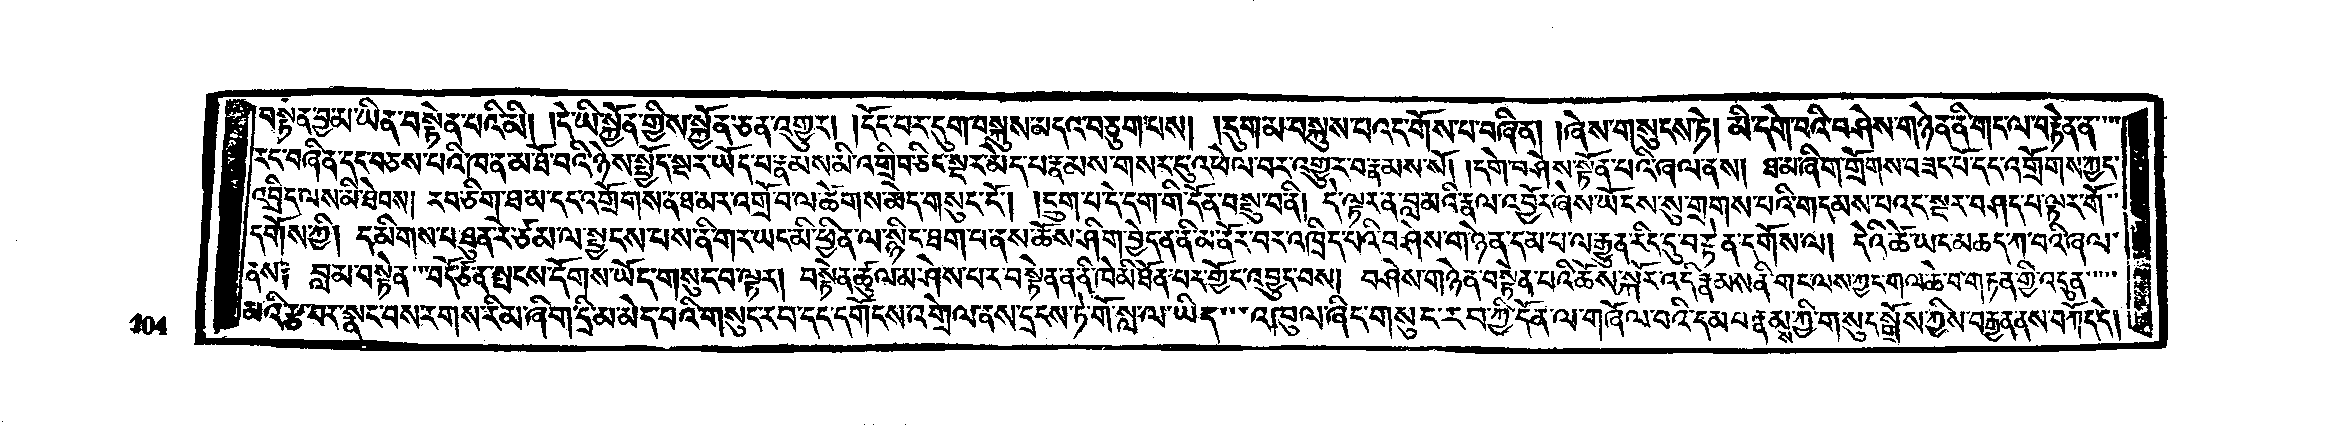བསྟེན་བྱ་མ་ཡིན་བསྟེན་པའི་མི། །དེ་ཡི་སྐྱོན་གྱིས་སྐྱོན་ཅན་འགྱུར། །དོང་པར་དུག་བསྐུས་མདའ་བཅུག་པས། །དུག་མ་བསྐུས་པའང་གོས་པ་བཞིན། །ཞེས་གསུངས་ཏེ། མི་དགེ་བའི་བཤེས་གཉེན་ནི་གང་ལ་བརྟེན་ན་
རང་བཞིན་དང་བཅས་པའི་ཁ་ན་མ་ཐོ་བའི་ཉེས་སྤྱོད་སྔར་ཡོད་པ་རྣམས་མི་འགྲིབ་ཅིང་སྔར་མེད་པ་རྣམས་གསར་དུ་འཕེལ་བར་འགྱུར་བ་རྣམས་སོ། །དགེ་བཤེས་སྟོན་པའི་ཞལ་ནས། ཐ་མ་ཞིག་གྲོགས་བཟང་པོ་དང་འགྲོགས་ཀྱང་
འབྲིང་ལས་མི་ཐེངས། རབ་ཅིག་ཐ་མ་དང་འགྲོགས་ན་ཐ་མར་འགྲོ་བ་ལ་ཚེགས་མེད་གསུང་ངོ། །དྲུག་པ་དེ་དག་གི་དོན་བསྡུ་བ་ནི། དེ་ལྟར་ན་བླ་མའི་རྣལ་འབྱོར་ཞེས་ཡོངས་སུ་གྲགས་པའི་གདམས་པའང་སྔར་བཤད་པ་ལྟར་གོ་
དགོས་ཀྱི། དམིགས་པ་ཐུན་རེ་ཙམ་ལ་སྦྱངས་པས་ནི་གར་ཡང་མི་ཕྱིན་ལ་སྙིང་ཐག་པ་ནས་ཆོས་ཤིག་བྱེད་ན་ནི་མ་ནོར་བར་འཁྲིད་པའི་བཤེས་གཉེན་དམ་པ་ལ་རྒྱུན་རིང་དུ་བརྟེན་དགོས་ལ། དེའི་ཚེ་ཡང་མཆད་ཀ་བའི་ཞལ་
ནས༑ བླ་མ་བསྟེན་བདོ་ཙ་?་ན་སྤངས་དོགས་ཡོད་གསུང་བ་ལྟར། བསྟེན་ཚུལ་མ་ཤེས་པར་བསྟེན་ན་ནི་ཁེ་མི་ཐོན་པར་གྱོང་འབྱུང་བས། བཤེས་གཉེན་བསྟེན་པའི་ཆོས་སྐོར་འདི་རྣམས་ནི་གང་ལས་ཀྱང་གལ་ཆེ་བ་གཏན་གྱི་འདུན་
མའི་རྩ་བར་སྣང་བས་རགས་རིམ་ཞིག་དྲི་མ་མེད་པའི་གསུང་རབ་དང་དགོངས་འགྲེལ་ནས་དྲངས་ཏེ་གོ་སླ་ལ་ཡིད་ལ་?་འཁུལ་ཞིང་གསུང་རབ་ཀྱི་དོན་ལ་གཞོལ་བའི་དམ་པ་རྣམས་ཀྱི་གསུང་སྒྲོས་ཀྱིས་བརྒྱན་ནས་བཀོད་དེ།